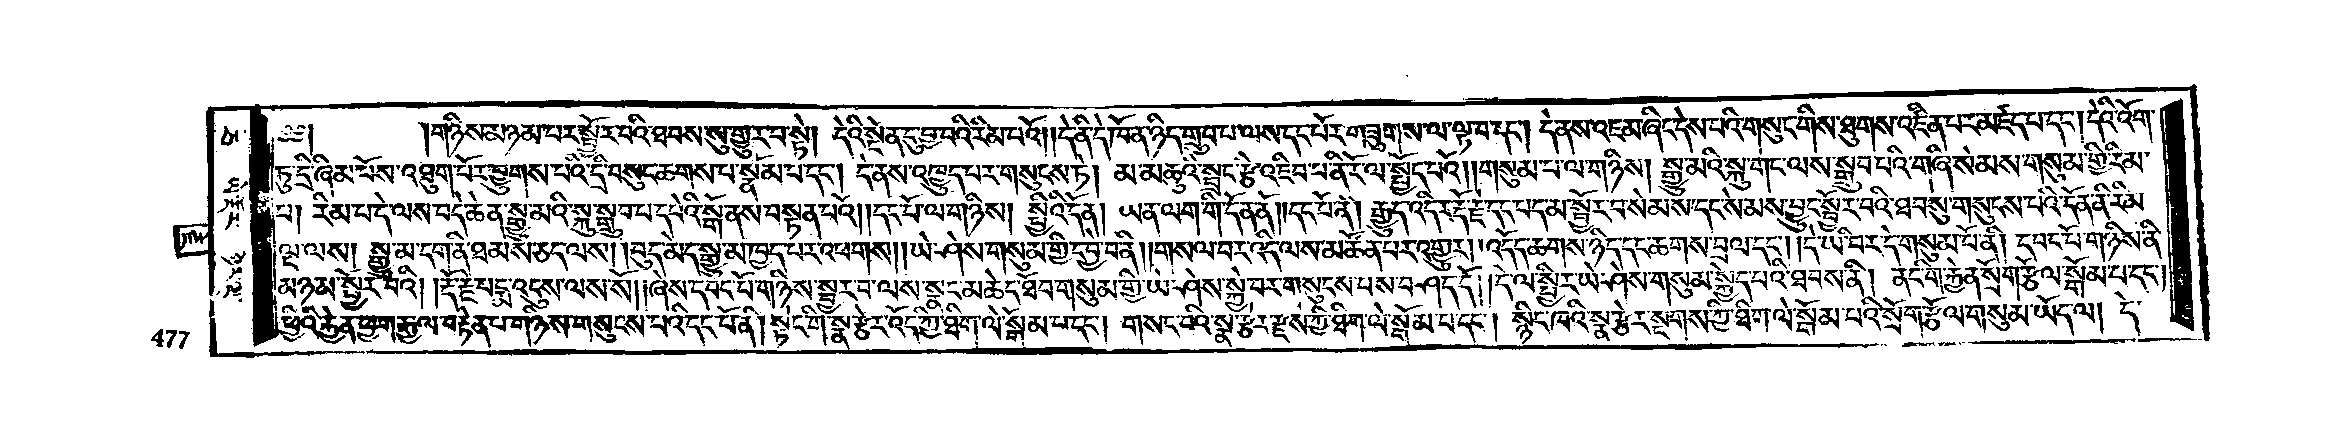༄༅། །གཉིས་མཉམ་པར་སྦྱོར་བའི་ཐབས་སུ་གྱུར་པ་སྟེ། དེའི་སྔོན་དུ་བྱ་བའི་རིམ་པའོ། །དེ་ནི་དེ་ཁོ་ན་ཉིད་གྲུབ་པ་ལས་དང་པོར་གཟུགས་ལ་ལྟ་བ་དང་། དེ་ནས་འཇམ་ཞིང་དེས་པའི་གསུང་གིས་ཐུགས་འཛིན་པར་མཛད་པ་དང་། དེའི་འོག་
ཏུ་དྲི་ཞིམ་པོས་འཐུག་པོར་བྱུགས་པའི་དྲི་བསུང་ཆགས་པ་སྣོམ་པ་དང་། དེ་ནས་འཁྱུད་པར་གསུངས་ཏེ། མ་མཆུའི་སྦྲང་རྩི་འཇིབ་པ་ནི་རོ་ལ་སྤྱོད་པའོ། །གསུམ་པ་ལ་གཉིས། སྒྱུ་མའི་སྐུ་གང་ལས་སྒྲུབ་པའི་གཞི་སེམས་གསུམ་གྱི་རིམ་
པ། རིམ་པ་དེ་ལས་བདེ་ཆེན་སྒྱུ་མའི་སྐུ་སྒྲུབ་པ་དཔེའི་སྒོ་ནས་བསྟན་པའོ། །དང་པོ་ལ་གཉིས། སྤྱིའི་དོན། ཡན་ལག་གི་དོན་ནོ། །དང་པོ་ནི། རྒྱུད་འདིར་རྡོ་རྗེ་དང་པད་མ་སྦྱོར་བ་སེམས་དང་སེམས་བྱུང་སྦྱོར་བའི་ཐབས་སུ་གསུངས་པའི་དོན་ནི་རིམ་
ལྔ་ལས། སྒྱུ་མ་དག་ནི་ཐམས་ཅད་ལས། །བུད་མེད་སྒྱུ་མ་ཁྱད་པར་འཕགས། །ཡེ་ཤེས་གསུམ་གྱི་དབྱེ་བ་ནི། །གསལ་བར་འདི་ལས་མཚོན་པར་འགྱུར། །འདོད་ཆགས་ཉིད་དང་ཆགས་བྲལ་དང་། །དེ་ཡི་བར་དེ་གསུམ་པོ་ནི། དབང་པོ་གཉིས་ནི་
མཉམ་སྦྱོར་བའི། །རྡོ་རྗེ་པདམ་འདུས་ལས་སོ། །ཞེས་དབང་པོ་གཉིས་སྦྱར་བ་ལས་སྣང་མཆེད་ཐོབ་གསུམ་གྱི་ཡེ་ཤེས་སྐྱེ་བར་གསུངས་པས་བཤད་དོ། །དེ་ལ་སྤྱིར་ཡེ་ཤེས་གསུམ་སྐྱེད་པའི་ཐབས་ནི། ནང་གི་རྐྱེན་སྲོག་རྩོལ་སྒོམ་པ་དང་།
ཕྱིའི་རྐྱེན་ཕྱག་རྒྱ་ལ་བརྟེན་པ་གཉིས་གསུངས་པའི་དང་པོ་ནི། སྟེང་གི་སྣ་རྩེར་འོད་ཀྱི་ཐིག་ལེ་སྒོམ་པ་དང་། གསང་བའི་སྣ་རྩེར་རྫས་ཀྱི་ཐིག་ལེ་སྒོམ་པ་དང་། སྙིང་ཁའི་སྣ་རྩེར་སྔགས་ཀྱི་ཐིག་ལེ་སྒོམ་པའི་སྲོག་རྩོལ་གསུམ་ཡོད་ལ། དེ་